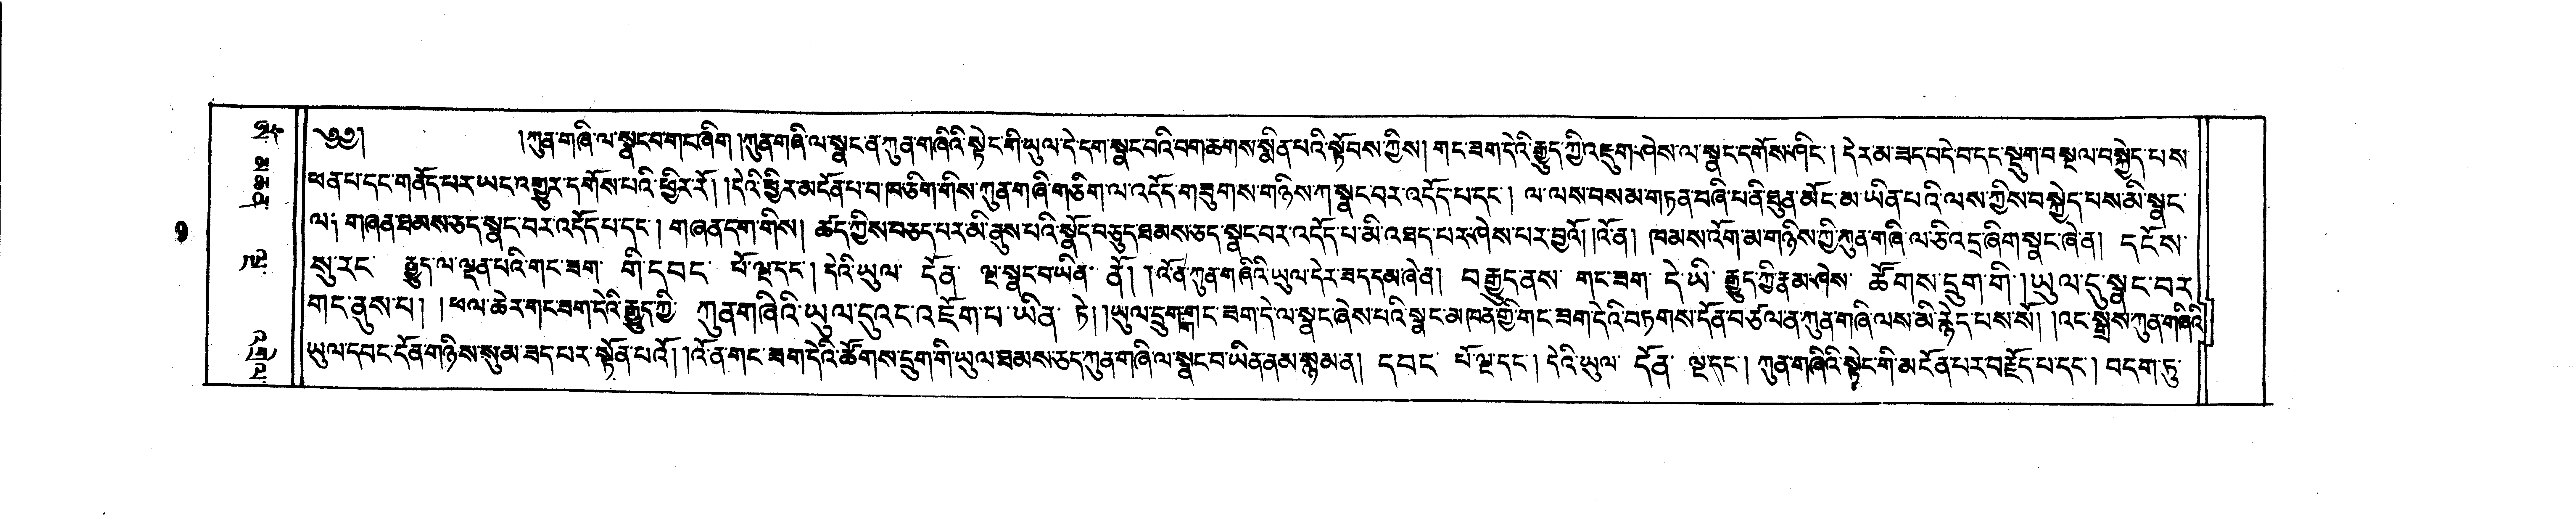༄༅། །ཀུན་གཞི་ལ་སྣང་བ་གང་ཞིག །ཀུན་གཞི་ལ་སྣང་ན་ཀུན་གཞིའི་སྟེང་གི་ཡུལ་དེ་དག་སྣང་བའི་བག་ཆགས་སྨིན་པའི་སྟོབས་ཀྱིས། གང་ཟག་དེའི་རྒྱུད་ཀྱི་འཇུག་ཤེས་ལ་སྣང་དགོས་ཤིང་། དེར་མ་ཟད་བདེ་བ་དང་སྡུག་བསྔལ་བསྐྱེད་པས་
ཕན་པ་དང་གནོད་པར་ཡང་འགྱུར་དགོས་པའི་ཕྱིར་རོ། །དེའི་ཕྱིར་མངོན་པ་བ་ཁ་ཅིག་གིས་ཀུན་གཞི་གཅིག་ལ་འདོད་གཟུགས་གཉིས་ཀ་སྣང་བར་འདོད་པ་དང་། ལ་ལས་བསམ་གཏན་བཞི་པ་ནི་ཐུན་མོང་མ་ཡིན་པའི་ལས་ཀྱིས་བསྐྱེད་པས་མི་སྣང་
ལ༑ གཞན་ཐམས་ཅད་སྣང་བར་འདོད་པ་དང་། གཞན་དག་གིས། ཚད་ཀྱིས་བཅད་པར་མི་ནུས་པའི་སྣོད་བཅུད་ཐམས་ཅད་སྣང་བར་འདོད་པ་མི་འཐད་པར་ཤེས་པར་བྱའོ། །འོ་ན། ཁམས་འོག་མ་གཉིས་ཀྱི་ཀུན་གཞི་ལ་ཅི་འདྲ་ཞིག་སྣང་ཞེ་ན། དངོས་
སུ་རང་རྒྱུད་ལ་ལྡན་པའི་གང་ཟག་གི་དབང་པོ་ལྔ་དང་། དེའི་ཡུལ་དོན་ལྔ་སྣང་བ་ཡིན་ནོ། །འོ་ན་ཀུན་གཞིའི་ཡུལ་དེར་ཟད་དམ་ཞེ་ན། བརྒྱུད་ནས་གང་ཟག་དེ་ཡི་རྒྱུད་ཀྱི་རྣམ་ཤེས་ཚོགས་དྲུག་གི །ཡུལ་དུ་སྣང་བར་
གང་ནུས་པ། །ཕལ་ཆེར་གང་ཟག་དེའི་རྒྱུད་ཀྱི་ཀུན་གཞིའི་ཡུལ་དུའང་འཇོག་པ་ཡིན་ཏེ། །ཡུལ་དྲུག་ག་གང་ཟག་དེ་ལ་སྣང་ཞེས་པའི་སྣང་མཁན་གྱི་གང་ཟག་དེའི་བཏགས་དོན་བཙལ་ན་ཀུན་གཞི་ལས་མི་རྙེད་པས་སོ། །འང་སྒྲས་ཀུན་གཞིའི་
ཡུལ་དབང་དོན་གཉིས་སུ་མ་ཟད་པར་སྟོན་པའོ། །འོ་ན་གང་ཟག་དེའི་ཚོགས་དྲུག་གི་ཡུལ་ཐམས་ཅད་ཀུན་གཞི་ལ་སྣང་བ་ཡིན་ནམ་སྙམ་ན། དབང་པོ་ལྔ་དང་། དེའི་ཡུལ་དོན་ལྔ་དང་། ཀུན་གཞིའི་སྟེང་གི་མངོན་པར་བརྗོད་པ་དང་། བདག་ཏུ་